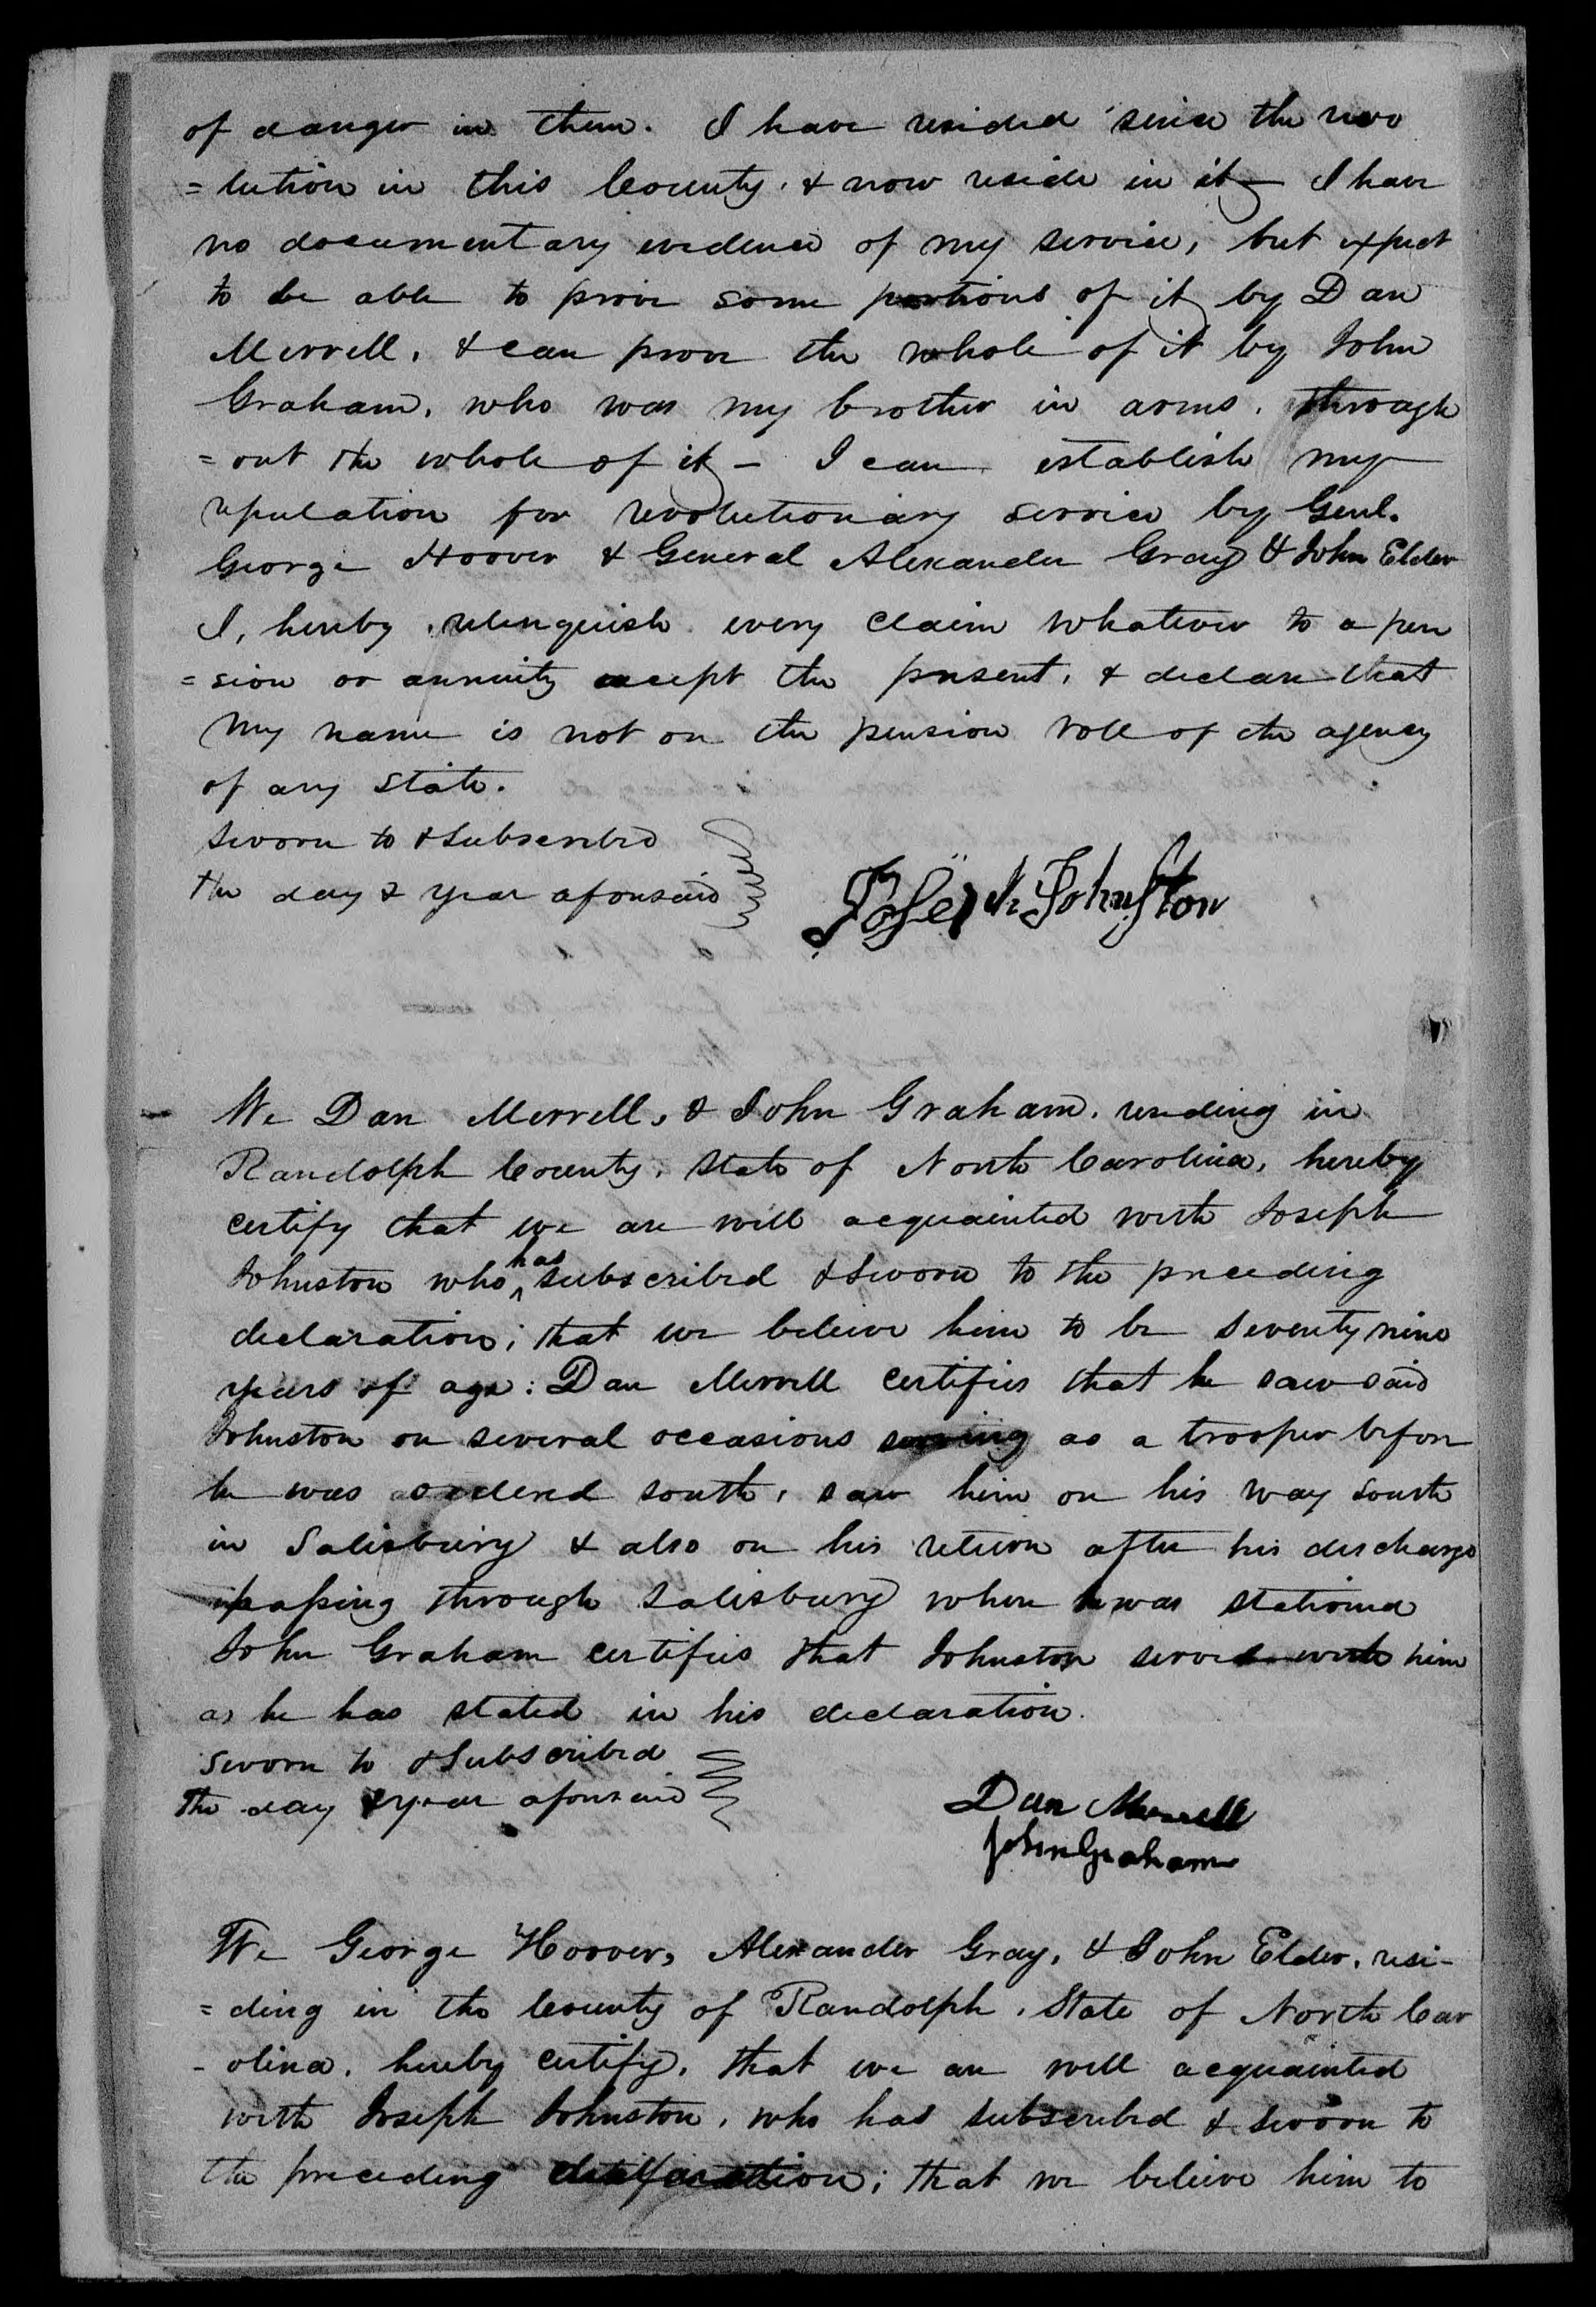of danger in them. I have resided since the revolution in this County & now reside in it. I have no documentary evidence of my service, but expect to be able to prove some portions of it by Dan Merrell [S.7222] & can prove the whole of it by John Graham, who was my brother in arms throughout the whole of it. I can establish my reputation for revolutionary service by Genl. George Hoover & General Alexander Gray & John Elder. I hereby relinquish every claim whatever to a pension or annuity except the present & declare that my name is not on the pension roll of the agency of any State. 
Sworn to & subscribed the day and year aforesaid} 
[signed] Joseph Johnston

We Dan Merrell & John Graham, residing in Randolph County, State of North Carolina, hereby certify that we are well acquainted with Joseph Johnston who has subscribed & sworn to the preceding declaration; that we believe him to be seventy nine [79] years of age: Dan Merrell certifies that he saw said Johnston on several occasions serving as a trooper before he was ordered South, saw him on his way South in Salisbury & also on his return after his discharge passing through Salisbury where he was stationed. John Graham certifies that Johnston served with him as he has stated in his declaration. 
Sworn to & subscribed the day & year aforesaid} 
[Signed] Dan Merrell
[Signed] John Graham

We George Hoover, Alexander Gray, & John Elder, residing in the County of Randolph, State of North Carolina, hereby certify, that we are well acquainted with Joseph Johnston, who has subscribed & sworn to the preceding declaration; that we believe him to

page: 13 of 41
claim: widow's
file: W. 5033, for Joseph Johnston, North Carolina